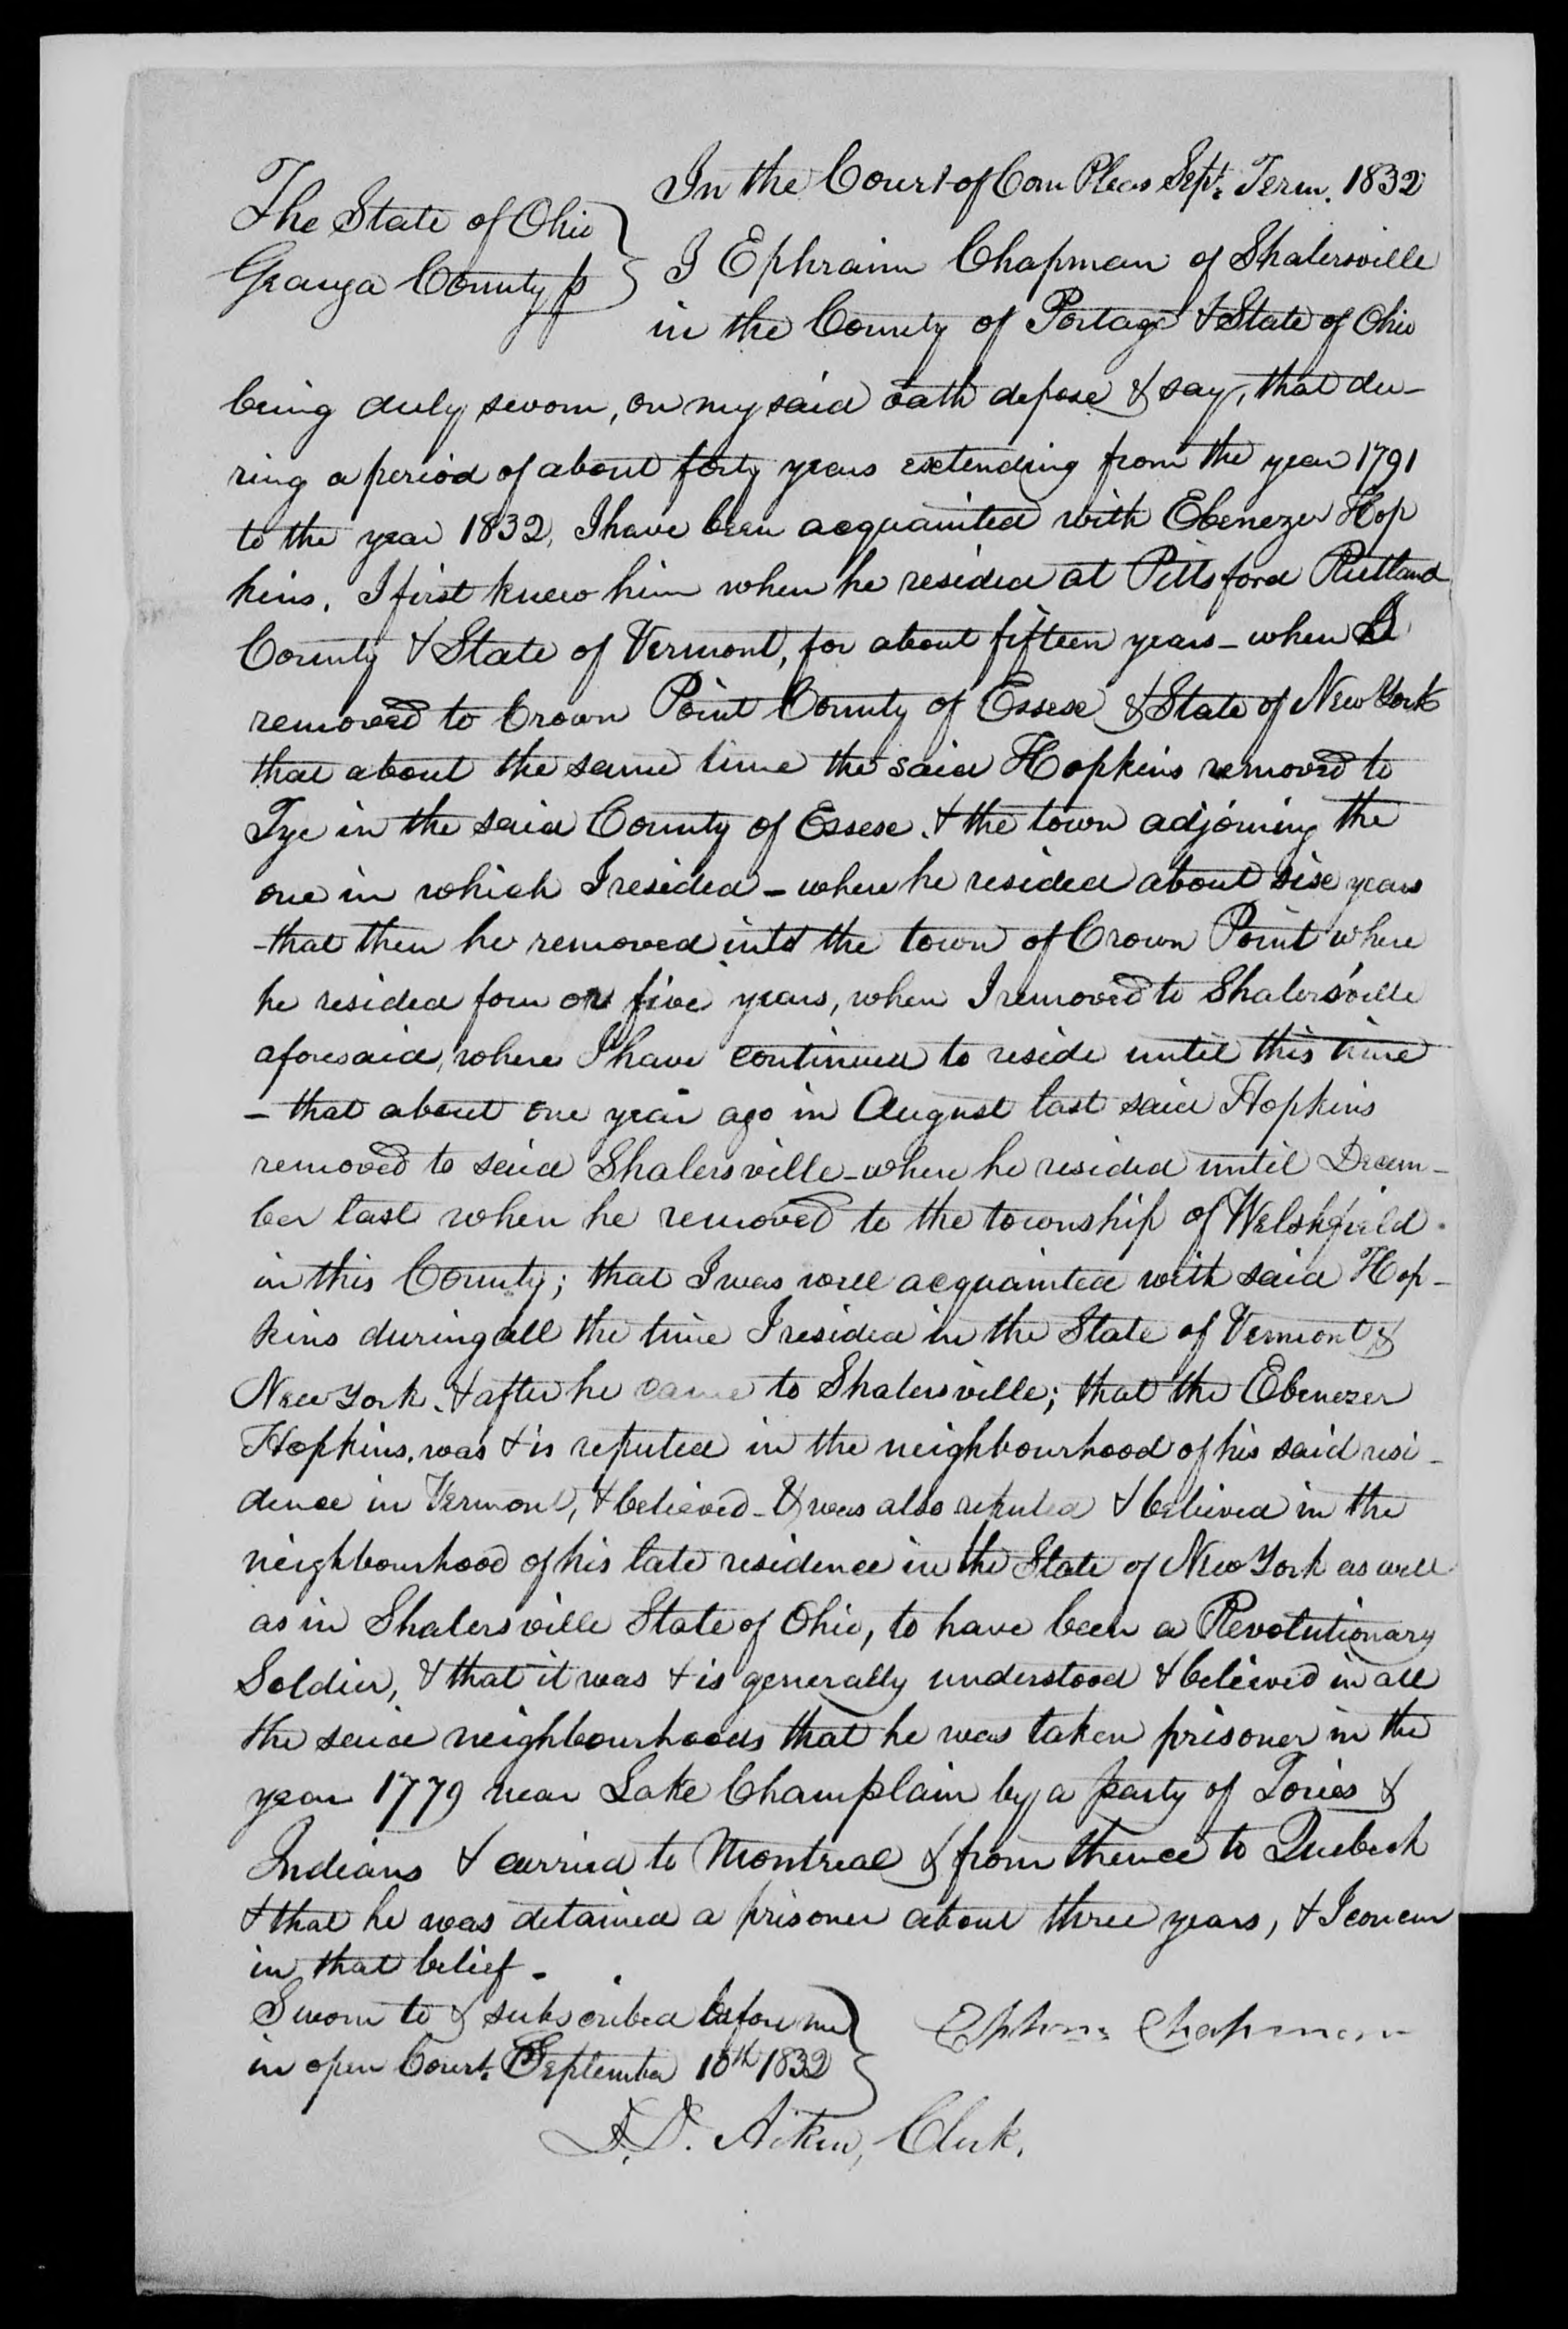The State of Ohio}
Geauga County}   In the Court of Com Pleas Sept Term 1832
I Ephraim Chapman of Shalersville in the County of Portage & State of Ohio
being duly sworn, on my said oath depose & say, that during a period of about forty years extending from the year 1791 to the year 1832, I have been acquainted with Ebenezer Hopkins. I first knew him when he resided at Pittsford Rutland County & State of Vermont, for about fifteen years, when he
removed to Crown Point County of Essex & State of New York that about the same time the said Hopkins removed to Tye in the said County of Essex & the town adjoining the one in which I resided_ where he resided about six years
that then he removed into the town of Crown Point where he resided four or five years, when I removed to Shalersville aforesaid, where I have continued to reside until this time_ that about one year ago in August last said Hopkins
removed to said Shalersville where he resided until December last when he removed to the township of Welshfeld in this County; that I was well acquainted with said Hopkins during all the time I resided in the State of Vermont & New York after he came to Shalersville; that the Ebenezer Hopkins was & is reputed in the neighbourhood of his said residence in Vermont, & believed & was also reputed & believed in the neighbourhood of his late residence in the State of New York as well as in Shalersville State of Ohio, to have been a Revolutionary
Soldier, & that it was & is generally understood & believed in all the said neighbourhood that he was taken prisoner in the year 1779 near Lake Champlain by a party of tories & Indians & carried to Montreal & from thence to Quebeck & that he was detained a prisoner about three years, & I concur
in that belief
Sworn to & subscribed before me
in open Court September 10th 1832⎬  Ephraim Chapman
JD. Aiken Clerk.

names: Ephraim Chapman, D D Aiken, Ebenezer Hopkins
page: 107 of 144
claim: rejected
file: R. 5208, Dennis Hopkins, N.C.